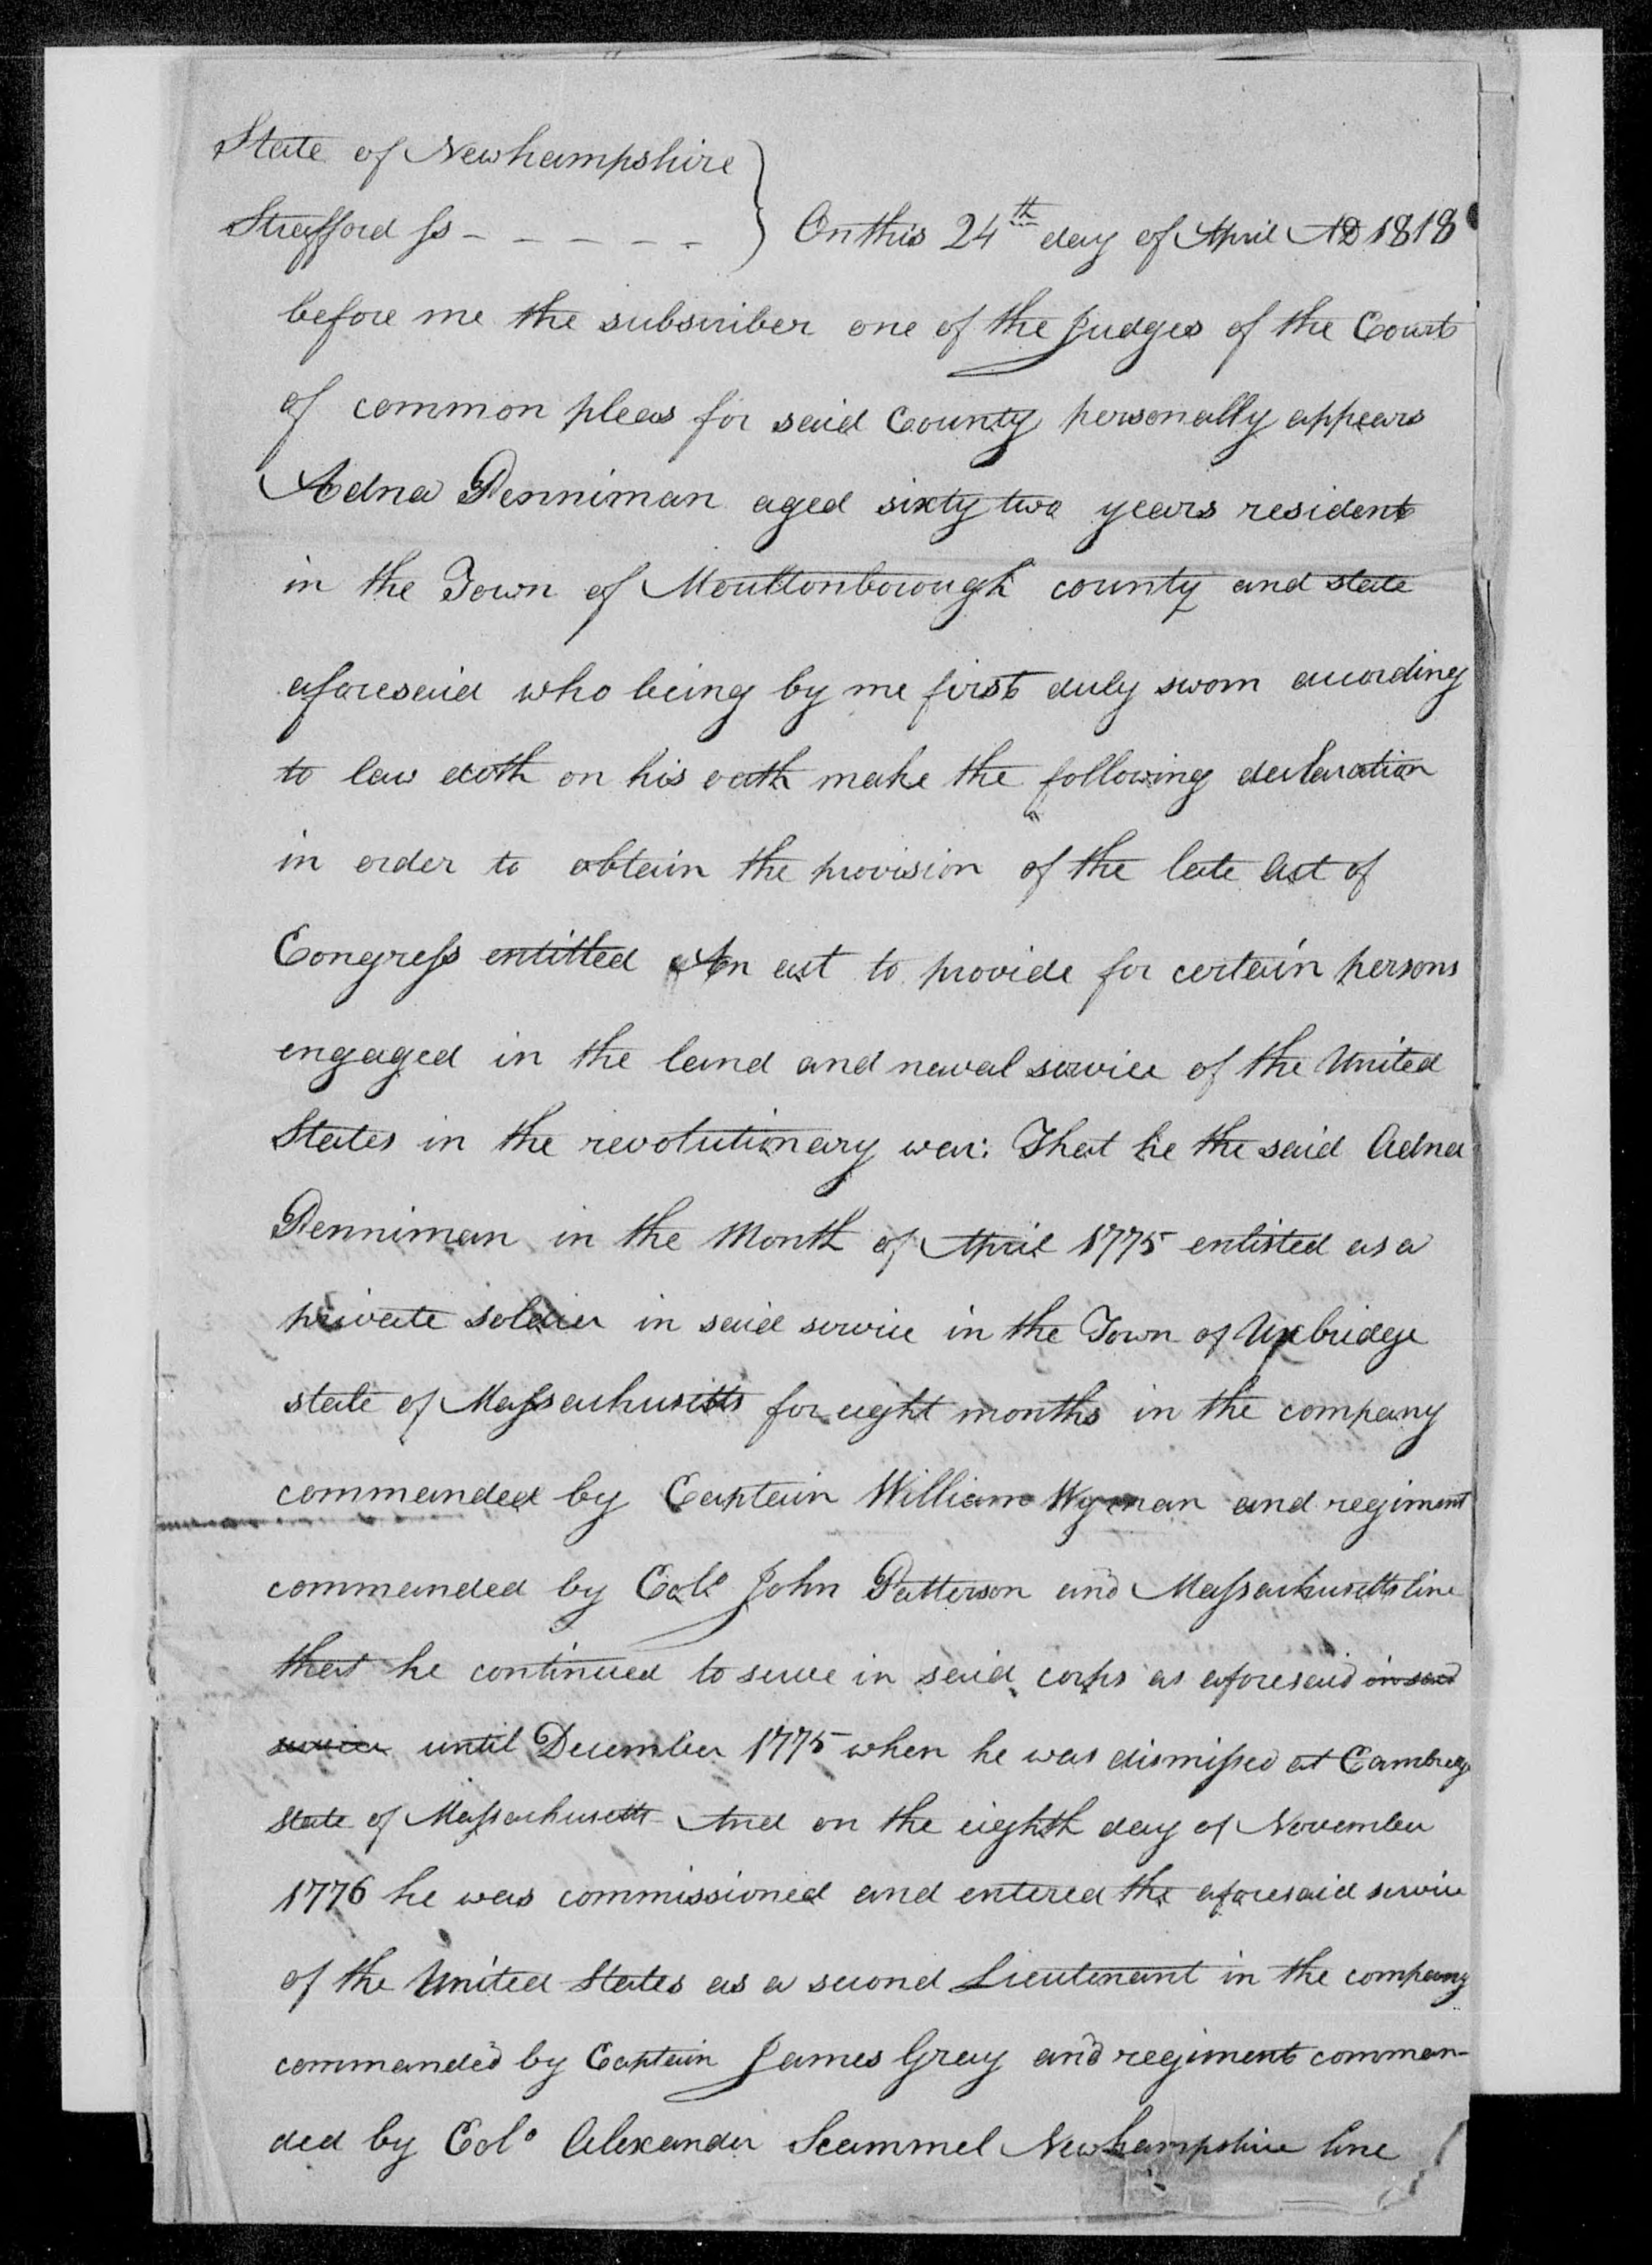State of New Hampshire }
Stafford SS......................}  On this 24th day of April AD 1818
before me the subscriber one of the Judges of the Courts
of common pleas for said county personally appears
Adna Penniman aged sixty two years resident
of the Town of Moultonborough countyand state
aforesaid who being by me first duly sworn according
to law doth on his oath make the following declaration
in order to obtain the provision of the late Act of Congress entitled An act to provide for certain persons
engaged in the land and naval service of the United 
States in the revolutionary war: That he the said Adna
Penniman in the month of 1775 enlisted as a 
private soldier in said service in the Town of Uxbridge
State of Massachusetts for eight months in the company
commanded by Captain William Wyman and regiment
commanded by Col John Patterson and Massachusetts line
that he continued to serve in said corps as aforesaid
until December 1775 when he was dismissed at Cambridge
State of Massachusetts [stricken] on the eighth day of November 
1776 he was commissioned and entered the aforesaid service
of the United States as a second Lieutenant in the company
commanded by Captain James Gray and regiments commanded by Col Alexander Scammel New Hampshire line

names: James Gray; William Wyman; Alexander Scammel; John Patterson; Adna Penniman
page: 3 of 13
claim: survivor's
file: S. 45065, for Adna Penniman, Massachusetts